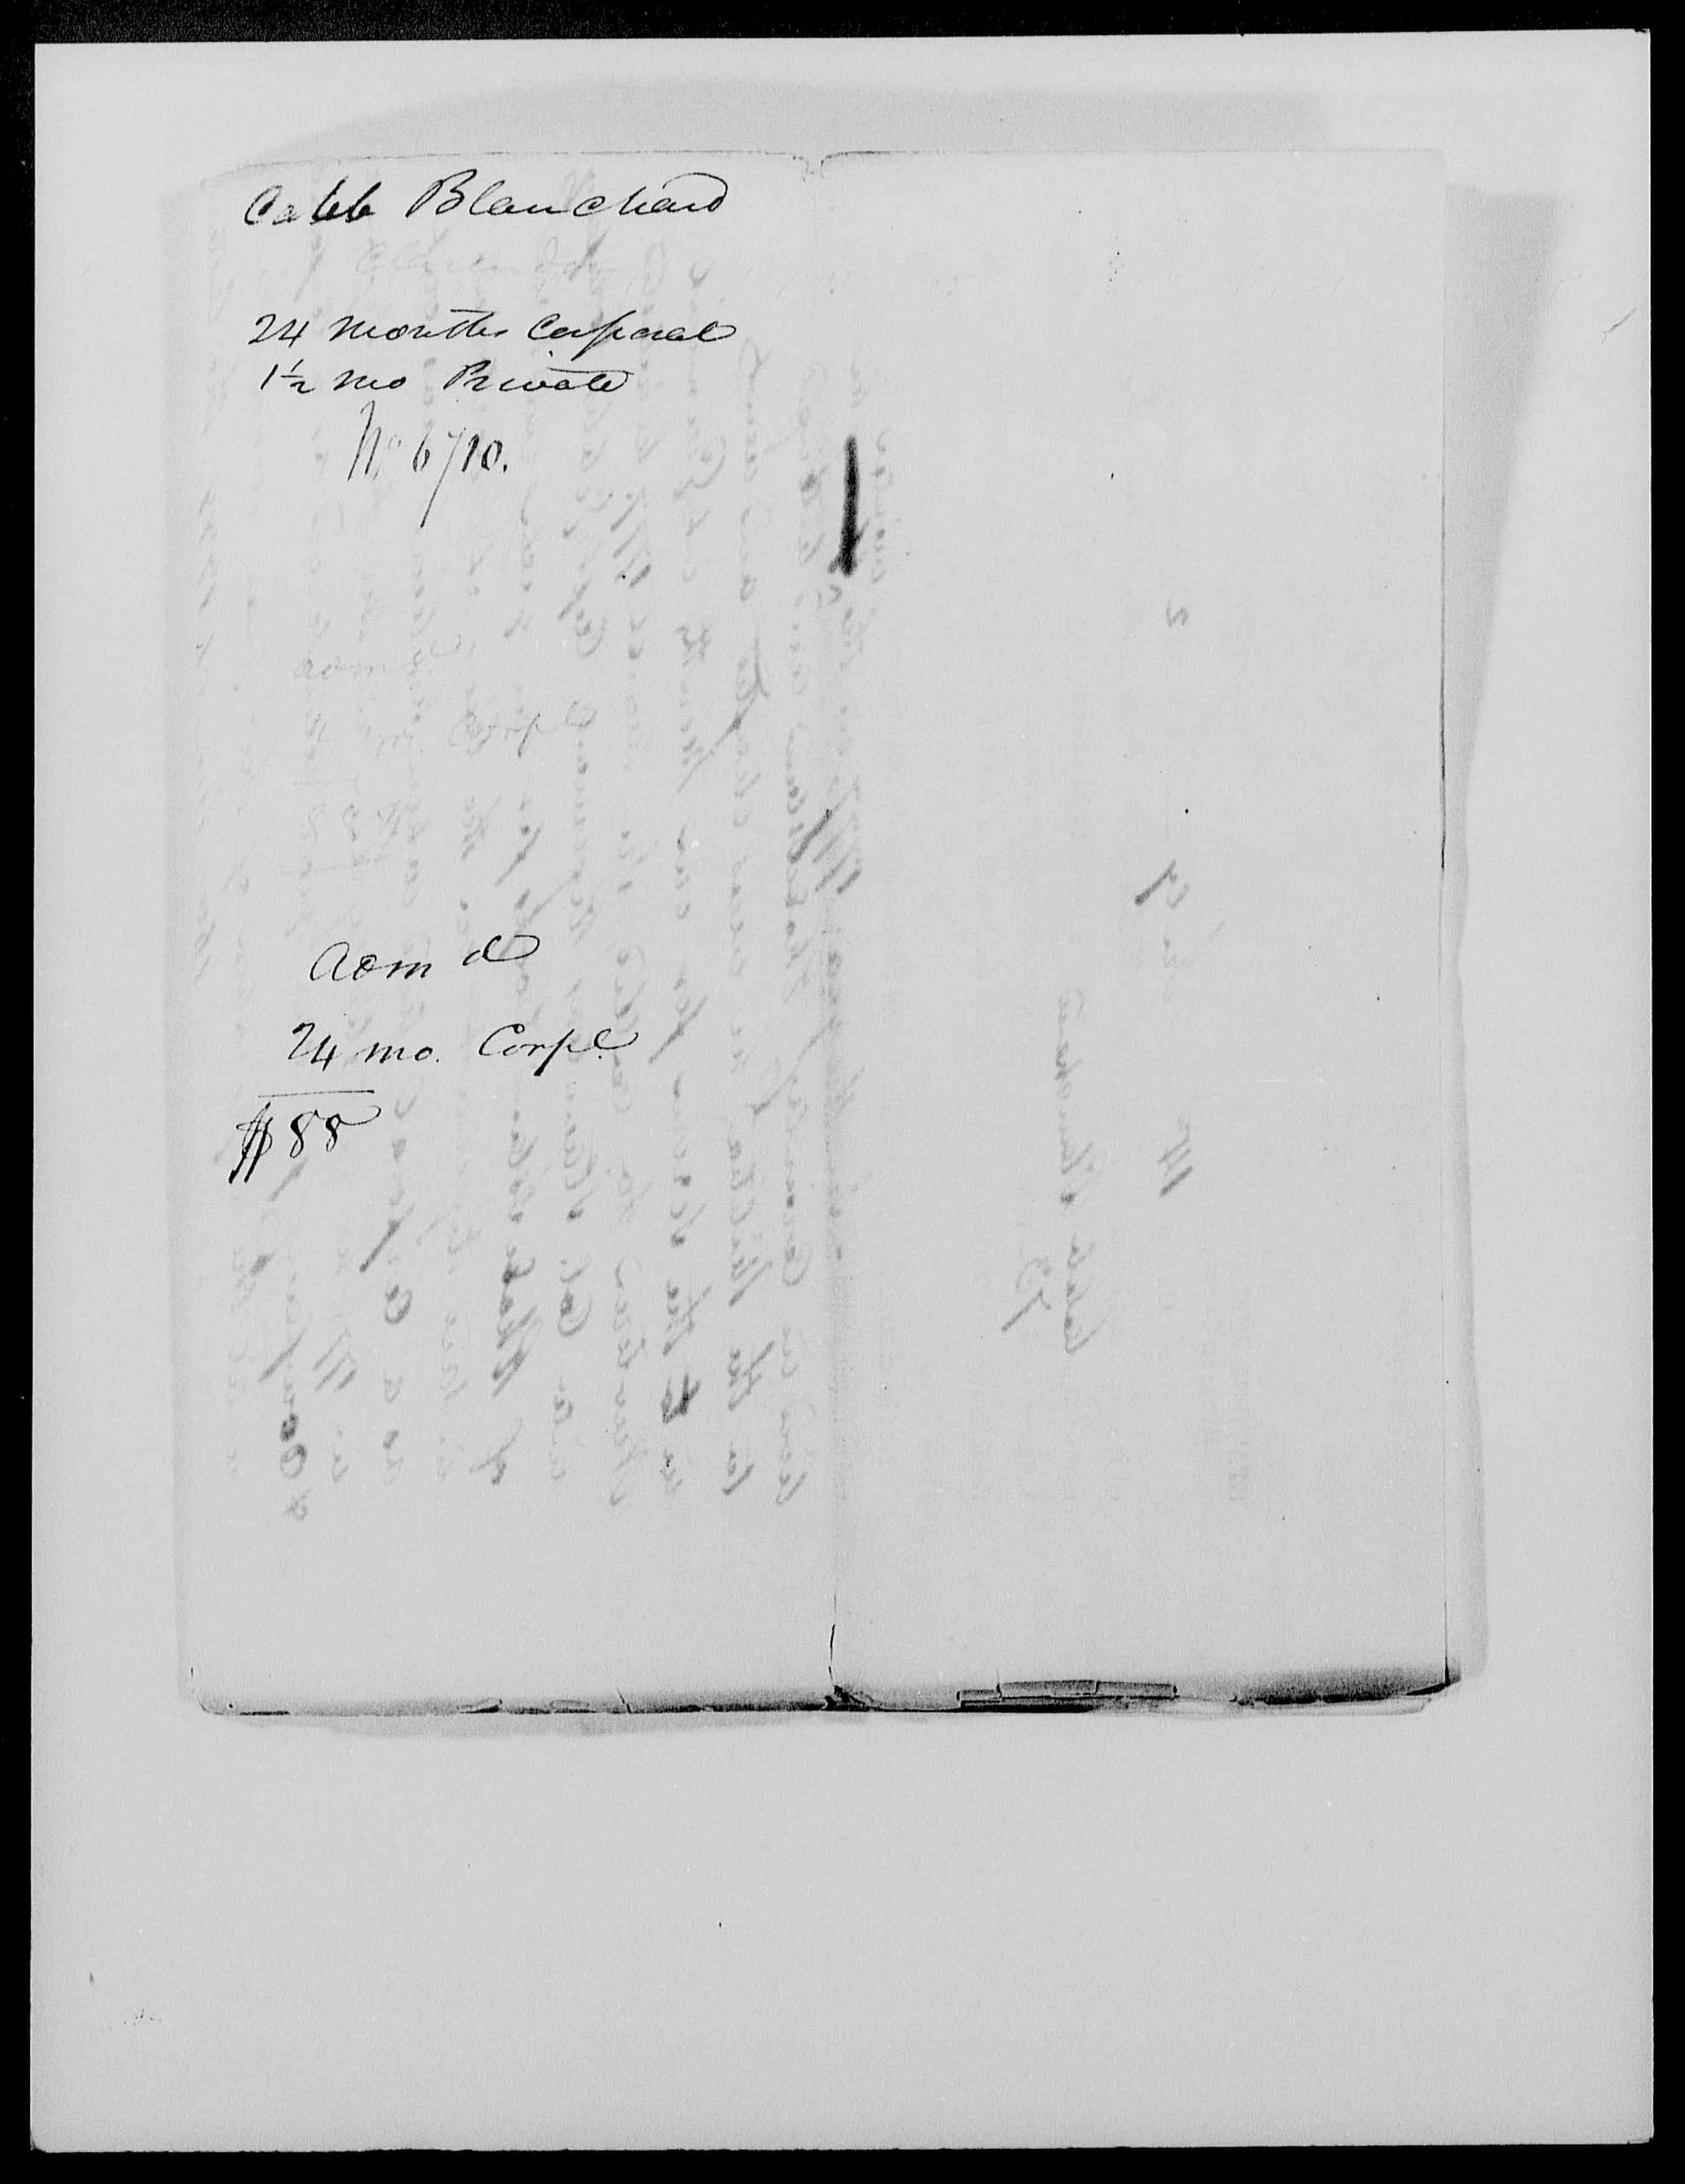Caleb Blanchard
24 months corporal
1 1/2 mo private
N 6/10
Aom d
24 mo Corpl
__________
$88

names: Caleb Blanchard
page: 3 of 17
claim: survivor's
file: S. 21,645, Caleb Blanchard, R. I.